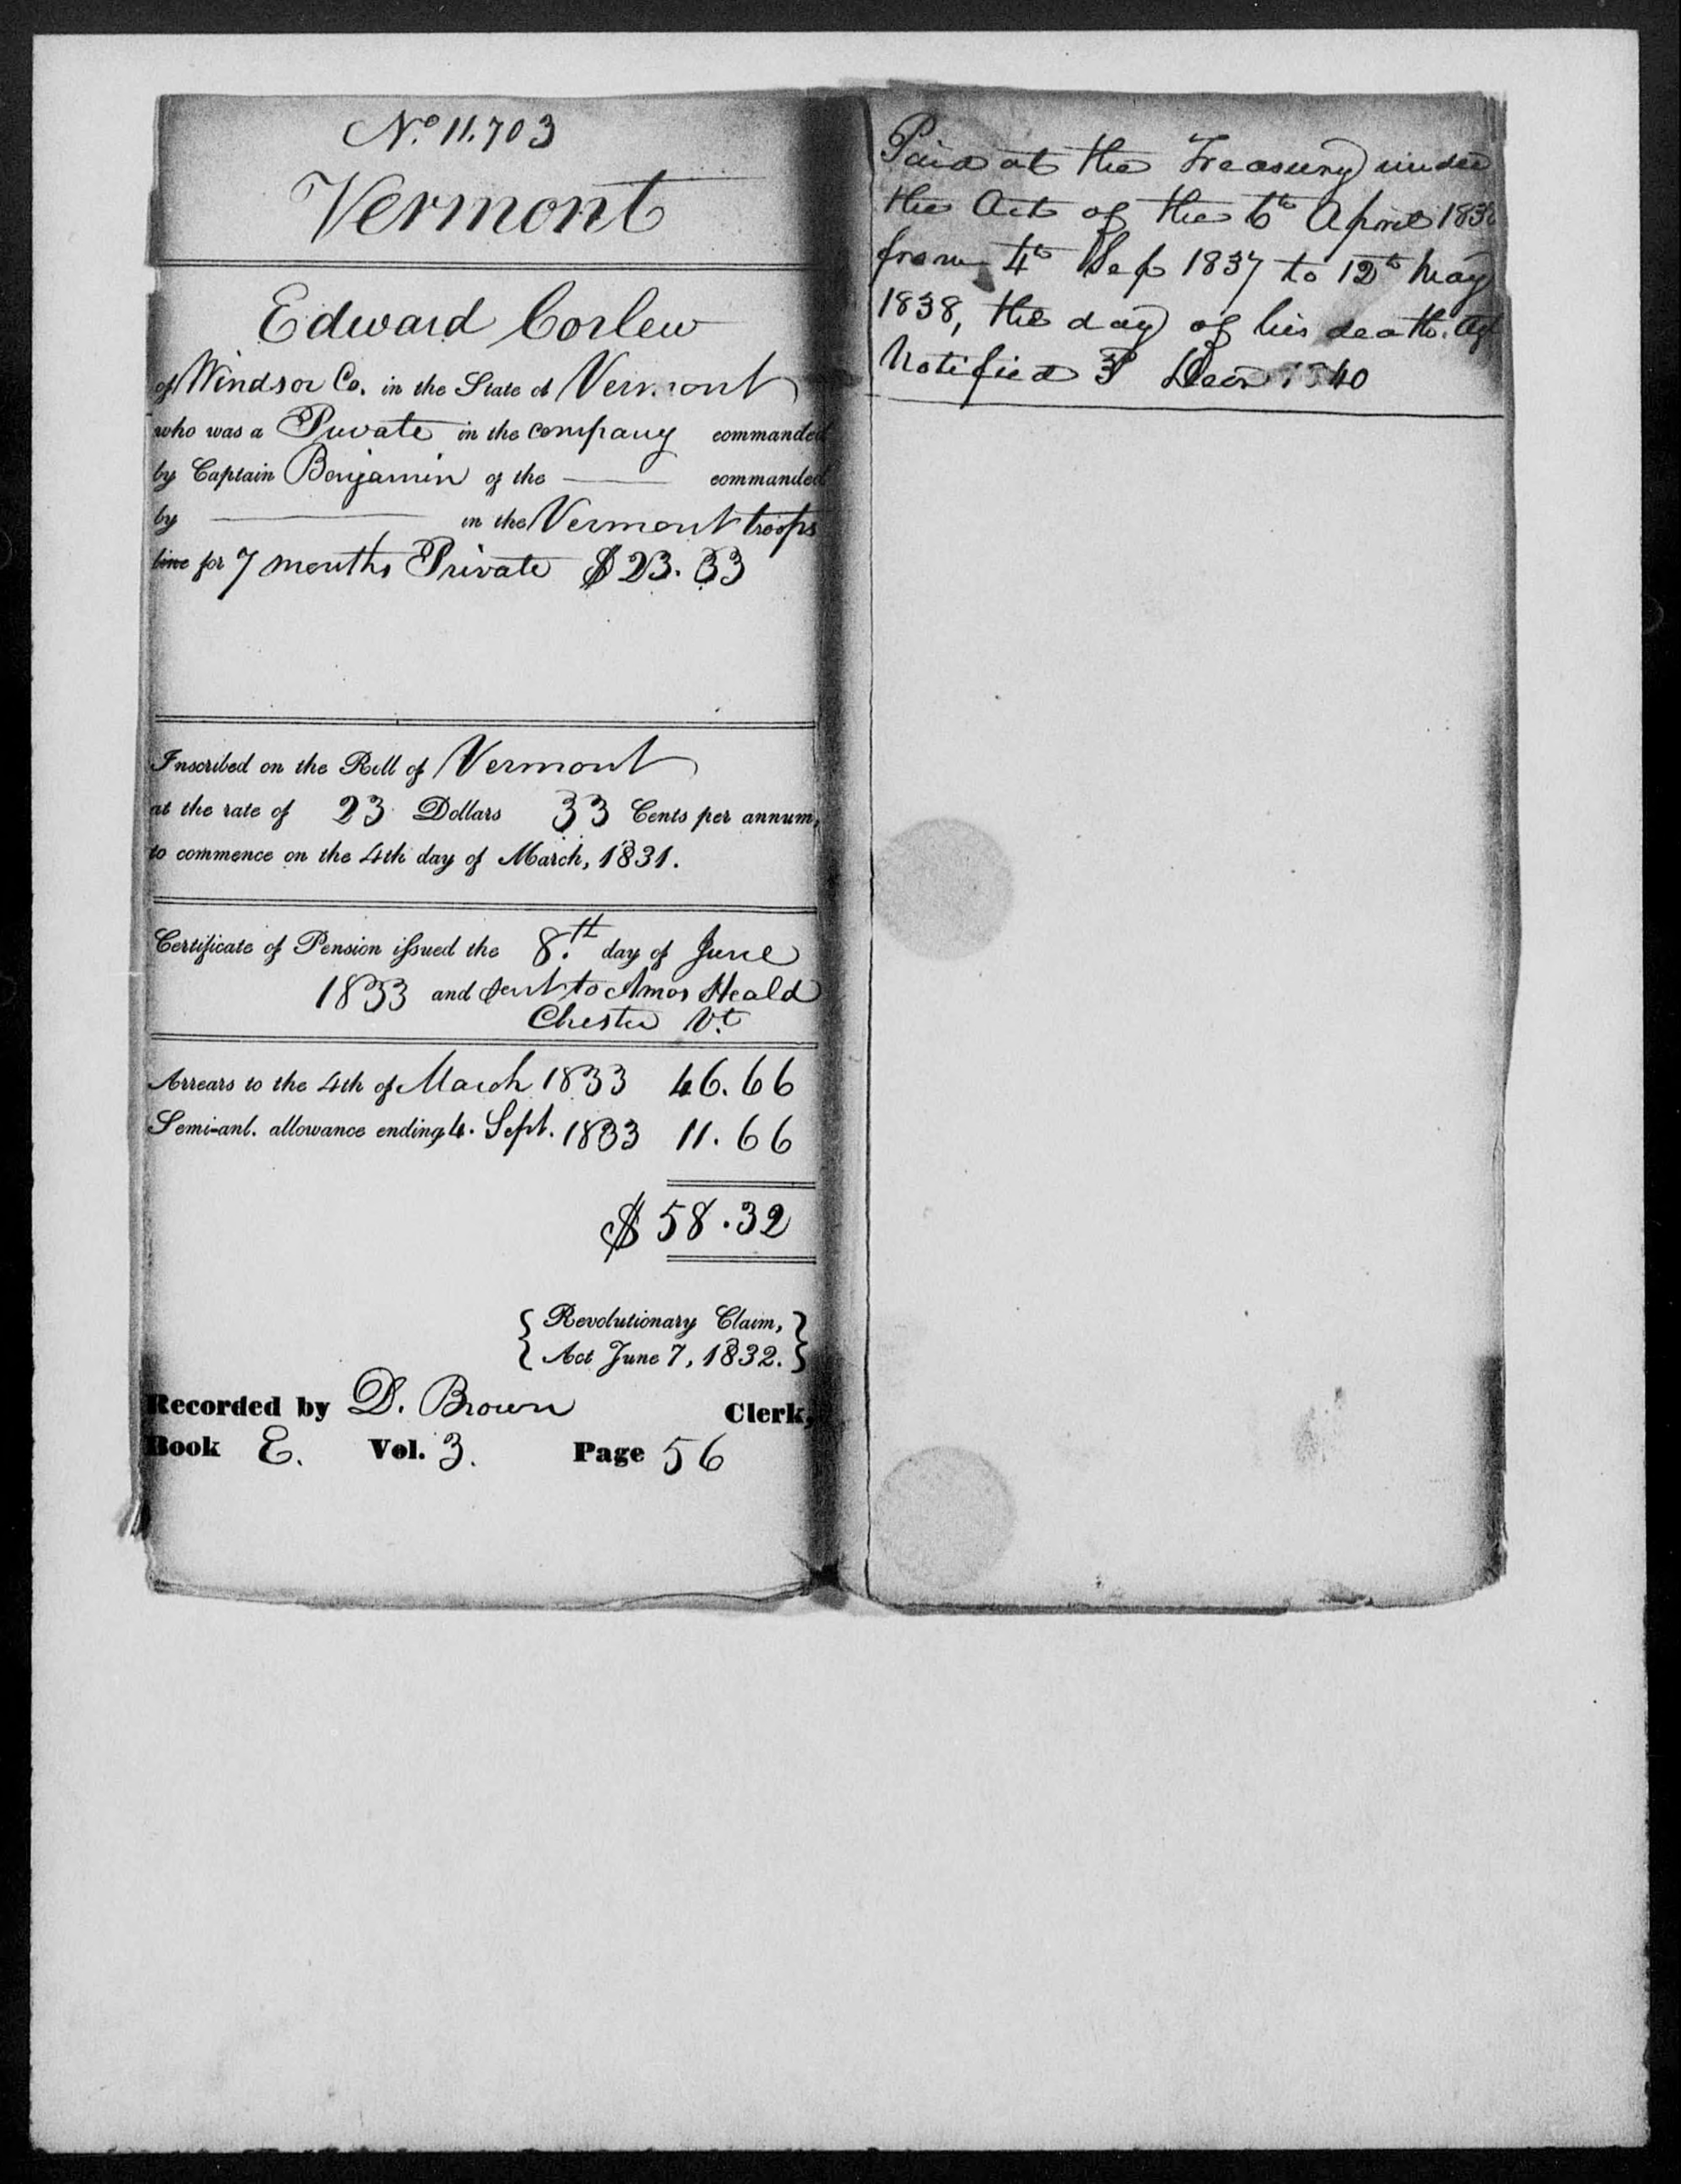[verso]
No. 11.703
Vermont
______
Edward Corlew  of Windsor Co. in the State of Vermont who was a Private in the company commanded by Captain Benjamin of the -----commanded by ----- in the Vermont troops line for 7 months Private $23.33
______
Inscribed om the Roll of Vermont at the rate of 23 Dollars 33 Cents per annum to commence on the 4th day of March, 1831.
______
Certificate of Pension issued the 8th day of June 1833 and sent to Amos Heald Chester Vt.
______
Arrears to the 4th of March 1833      46.66
Semi-anl. allowance ending 4.Sept. 1833  11.66
______
$58.32
{Revolutionary Claim, Act  June 7, 1832.}
Recorded by D. Brown Clerk, 
Book E. Vol. 3. Page 56

[recto]
Paid at the Treasury under the Act of the 6th April 1832 from 4th Sep 1837 to 12th May 1838, the day of his death App Notified 3d Decr 1840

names: Edward Corlew, D Brown, Amos Heald, Benjamin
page: 2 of 18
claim: survivor's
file: S. 21,702, Edward Corlew, Vt.